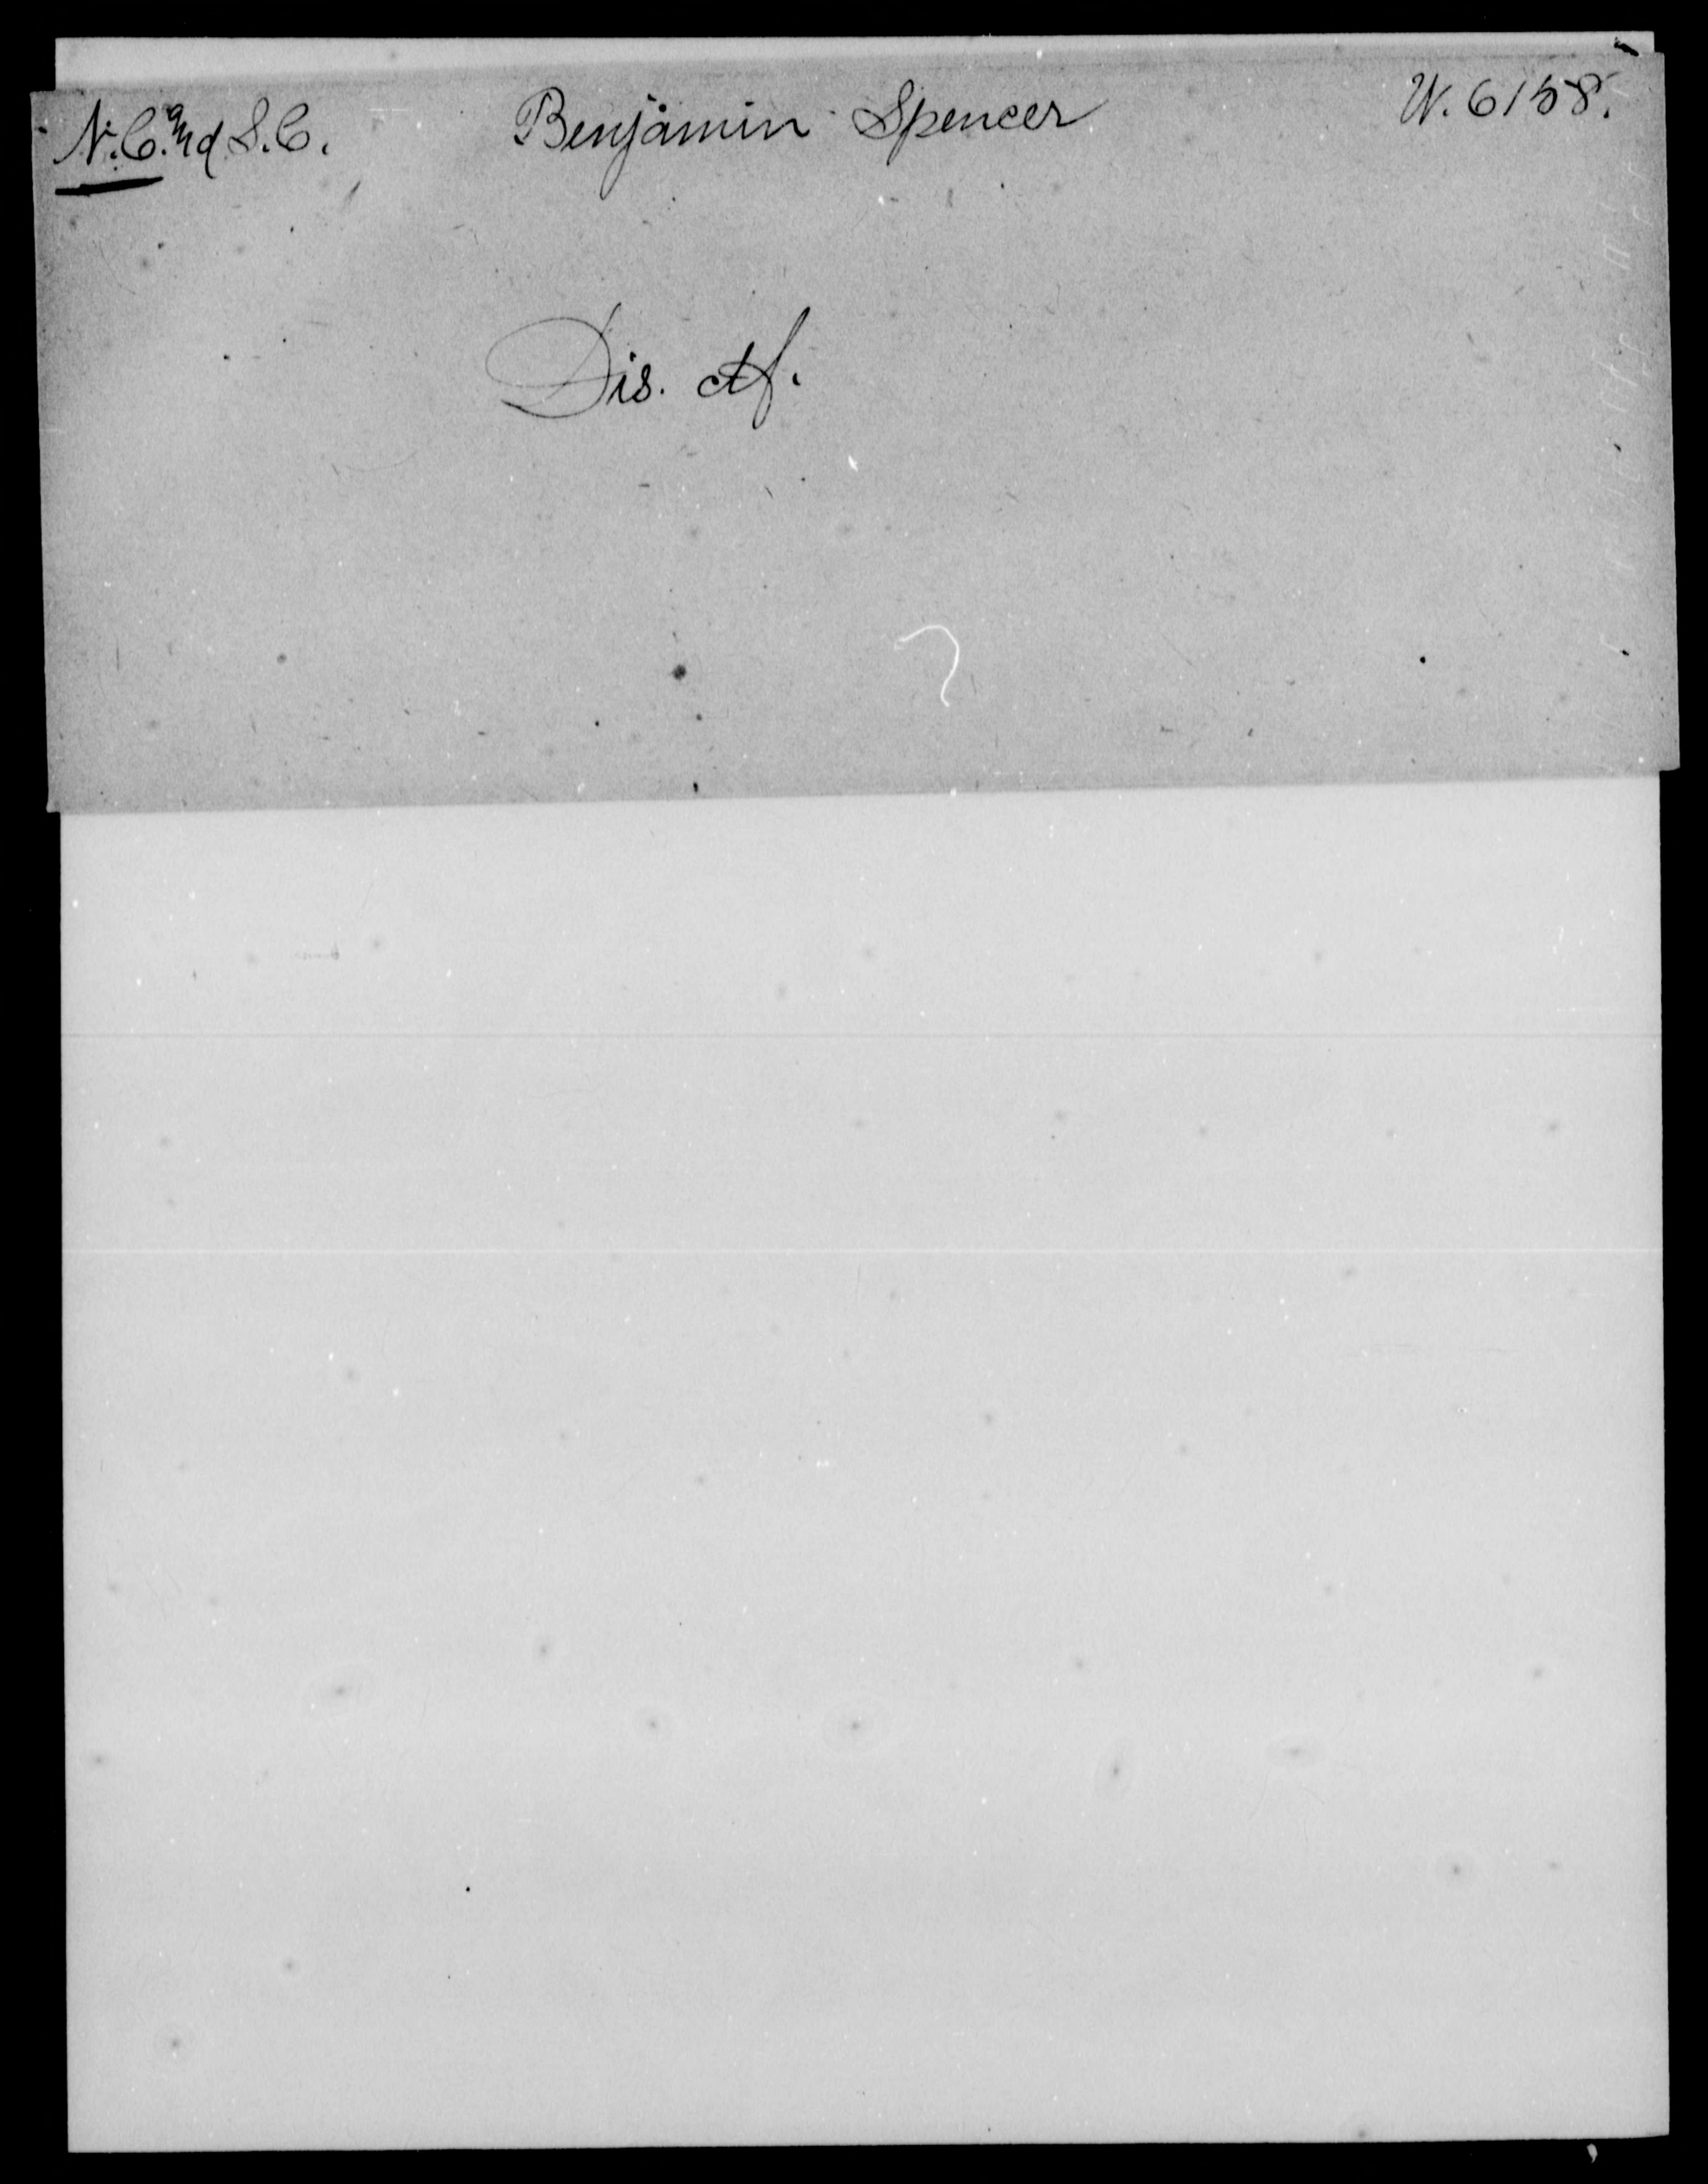N. C. and S.C.
Benjamin Spencer
Dis. M.
W. 618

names: Benjamin Spencer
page: 33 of 63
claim: widow's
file: W. 6158, for Benjamin Spencer, North Carolina